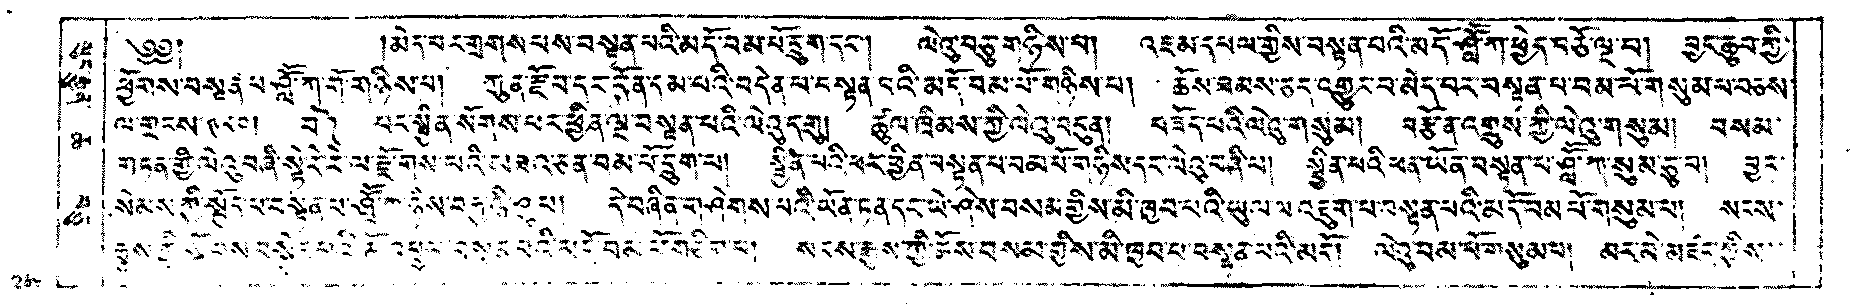༄༅། །མེད་པར་གྲགས་པས་བསྟན་པའི་མདོ་བམ་པོ་དྲུག་དང་། ལེའུ་བཅུ་གཉིས་པ། འཇམ་དཔལ་གྱིས་བསྟན་པའི་མདོ་ཤླཽ་ཀ་ཕྱེད་བཅོ་ལྔ་པ། བྱང་ཆུབ་ཀྱི་
ཕྱོགས་བསྟན་པ་ཤླཽ་ཀ་གོ་གཉིས་པ། ཀུན་རྫོབ་དང་དོན་དམ་པའི་བདེན་པ་བསྟན་པའི་མདོ་བམ་པོ་གཉིས་པ། ཆོས་ཐམས་ཅད་འགྱུར་བ་མེད་པར་བསྟན་པ་བམ་པོ་གསུམ་པ་བཅས་
ལ་གྲངས ༤༨༠། བ྄་པར་སྦྱིན་སོགས་ཕར་ཕྱིན་ལྔ་བསྟན་པའི་ལེའུ་དགུ། ཚུལ་ཁྲིམས་ཀྱི་ལེའུ་བདུན། བཟོད་པའི་ལེའུ་གསུམ། བརྩོན་འགྲུས་ཀྱི་ལེའུ་གསུམ། བསམ་
གཏན་གྱི་ལེའུ་བཞི་སྟེ་རེ་རེ་ལ་རྫོགས་པའི་མཐའ་ཅན་བམ་པོ་དྲུག་པ། སྦྱིན་པའི་ཕར་ཕྱིན་བསྟན་པ་བམ་པོ་གཉིས་དང་ལེའུ་བཞི་པ། སྦྱིན་པའི་ཕན་ཡོན་བསྟན་པ་ཤླཽ་ཀ་སུམ་ཅུ་པ། བྱང་
སེམས་ཀྱི་སྤྱོད་པ་བསྟན་པ་ཤླཽ་ཀ་ཉིས་བརྒྱ་ཉི་ཤུ་པ། དེ་བཞིན་གཤེགས་པའི་ཡོན་ཏན་དང་ཡེ་ཤེས་བསམ་གྱིས་མི་ཁྱབ་པའི་ཡུལ་ལ་འཇུག་པ་བསྟན་པའི་མདོ་བམ་པོ་གསུམ་པ། སངས་
རྒྱས་ཀྱི་སྟོབས་བསྐྱེད་པའི་ཆོ་འཕྲུལ་བསྟན་པའི་མདོ་བམ་པོ་གཅིག་པ། སངས་རྒྱས་ཀྱི་ཆོས་བསམ་གྱིས་མི་ཁྱབ་པ་བསྟན་པའི་མདོ། ལེའུ་བམ་པོ་གསུམ་པ། མར་མེ་མཛད་ཀྱིས་